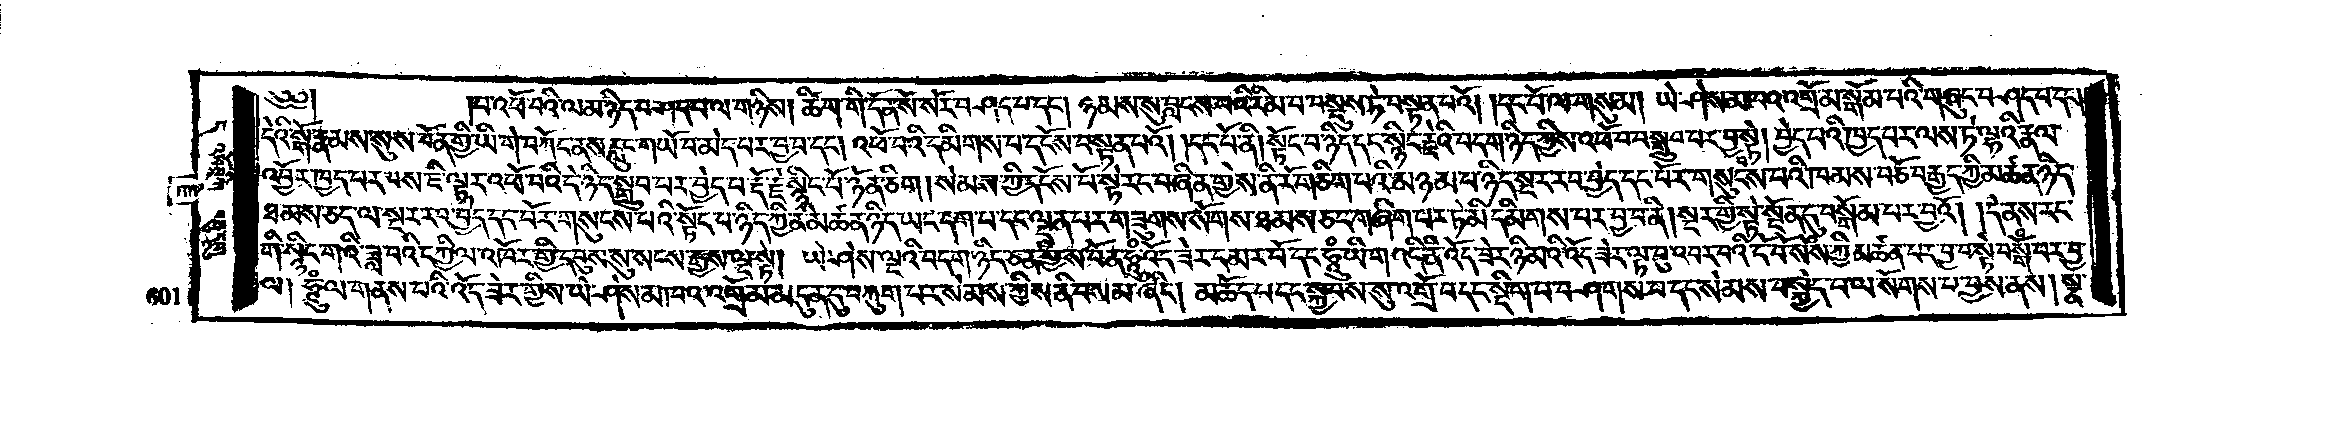༄༅། །པ་འཕོ་བའི་ལམ་ཉིད་བཤད་པ་ལ་གཉིས། ཚིག་གི་དོན་སོ་སོར་བཤད་པ་དང་། ཉམས་སུ་བླངས་པའི་རིམ་པ་བསྡུས་ཏེ་བསྟན་པའོ། །དང་པོ་ལ་གསུམ། ཡེ་ཤེས་མཁའ་འགྲོ་མ་སྒོམ་པའི་གཞུང་བཤད་པ་དང་།
དེའི་སྒོ་རྣམས་སུ་ས་བོན་གྱི་ཡི་གེ་བཀོད་ནས་རླུང་གཡོ་བ་མེད་པར་བྱ་བ་དང་། འཕོ་བའི་དམིགས་པ་དངོས་བསྟན་པའོ། །དང་པོ་ནི། སྟོང་པ་ཉིད་དང་སྙིང་རྗེའི་བདག་ཉིད་ཀྱིས་འཕོ་བ་བསྒྲུབ་པར་བྱ་སྟེ། བྱེད་པའི་ཁྱད་པར་ལས་ཏེ་ལྷའི་རྣལ་
འབྱོར་ཁྱད་པར་པས་ཇི་ལྟར་འཕོ་བའི་དེ་ཉིད་སྒྲུབ་པར་བྱེད་པ་རྡོ་རྗེ་སྙིང་པོ་ཉོན་ཅིག །སེམས་ཀྱི་དངོས་པོ་སྟེ་རང་བཞིན་གྱིས་ནི་རོ་གཅིག་པའི་མཉམ་པ་ཉིད་སྔར་རབ་བྱེད་དང་པོར་གསུངས་པའི་ཁམས་བཅོ་བརྒྱད་ཀྱི་མཚན་ཉིད་
ཐམས་ཅད་ལ་སྔར་རབ་བྱེད་དང་པོར་གསུངས་པའི་སྟོང་པ་ཉིད་ཀྱི་ནི་མཚན་ཉིད་ཡང་དག་པ་དང་ལྡན་པར་གཟུགས་སོགས་ཐམས་ཅད་གཞིག་པར་ཏེ་མི་དམིགས་པར་བྱ་བ་ནི། སྔར་གྱི་སྟེ་སྔོན་དུ་བསྒོམ་པར་བྱའོ། །དེ་ནས་རང་
གི་སྙིང་གའི་ཟླ་བའི་དཀྱིལ་འཁོར་གྱི་དབུས་སུ་སངས་རྒྱས་ལྔ་སྟེ། ཡེ་ཤེས་ལྔའི་བདག་ཉིད་ཅན་གྱི་ས་བོན་ཧཱུཾ་འོད་ཟེར་དམར་པོ་དང་ཧཱུཾ་ཡིག་འདི་ནི་འོད་ཟེར་ཉི་མའི་འོད་ཟེར་ལྟ་བུ་འབར་བའི་ངོ་བོ་སེམས་ཀྱི་མཚན་པར་བྱ་བ་སྟེ་བསྒོམས་པར་བྱ་
ལ། ཧཱུཾ་ལ་གནས་པའི་འོད་ཟེར་གྱིས་ཡེ་ཤེས་མཁའ་འགྲོ་མ་མདུན་དུ་བཀུག་པར་སེམས་ཀྱིས་ནི་བསམ་ཞིང་། མཆོད་པ་དང་སྐྱབས་སུ་འགྲོ་བ་དང་སྡིག་པ་བཤགས་པ་དང་སེམས་བསྐྱེད་པ་ལ་སོགས་པ་བྱས་ནས། སྣ་